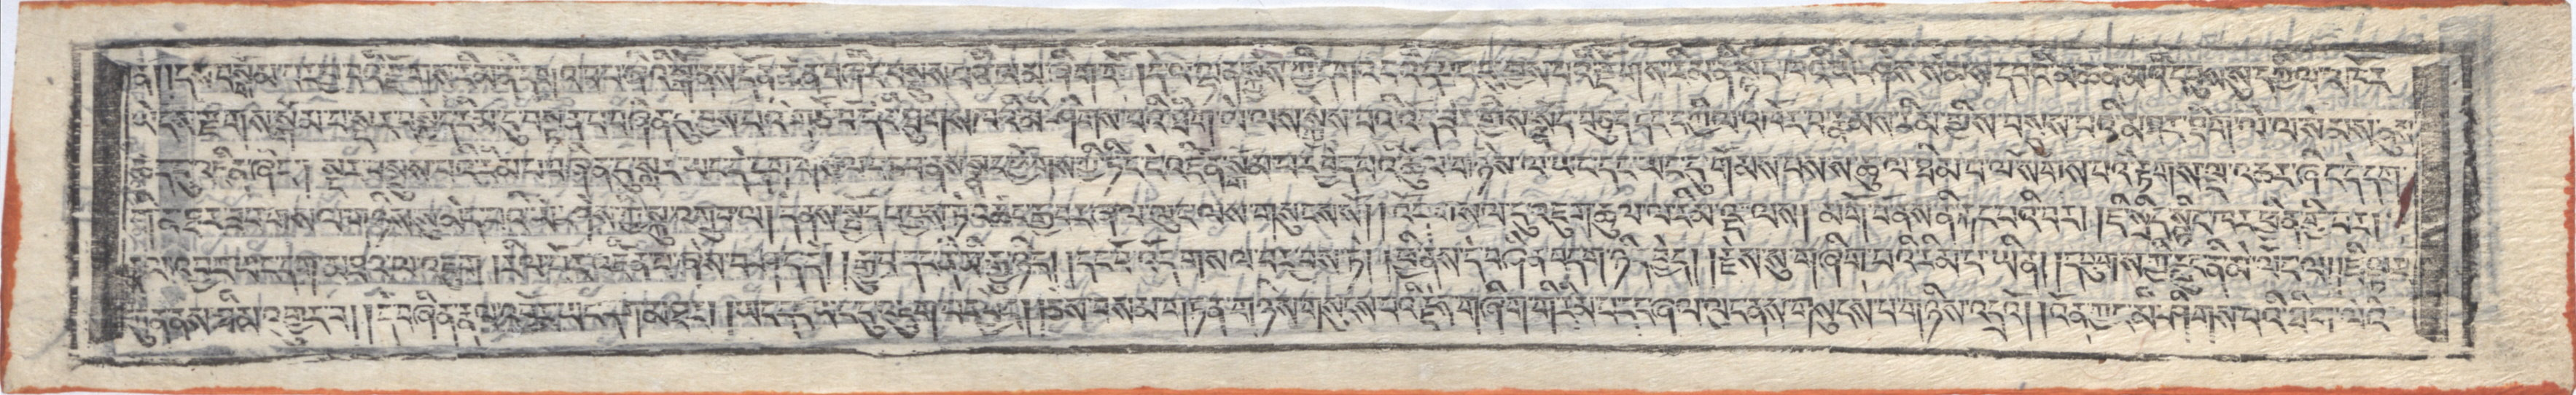ནོ། །དེས་བསྒོམ་པར་བྱ་བའི་རྫོགས་རིམ་ནི་དགའ་བ་པ་ཞིའི་སྒོ་ནས་དོན་ཆེན་བཞིར་བསྡུས་པའི་ལམ་ཞིག་གོ །དེ་ལ་ལྷན་སྐྱེས་ཀྱི་དགའ་བའི་དབང་དུ་བྱས་པའི་རྫོགས་རིམ་ནི་སྙིང་ཁའི་ཡེ་ཤེས་སེམས་དཔའི་མཚན་མའི་དབུས་སུ་དཀྱིལ་འཁོར་
ཡོངས་རྫོགས་སྒོམ་པ་སྔར་བསྐྱེད་རིམ་དུ་བསྟན་པ་བཞིན་དུ་བྱས་པའི་གཙོ་བོ་དེའི་ཐུགས་ཁའི་མི་ཤིགས་པའི་ཐིག་ལེ་ལས་སྐྱེས་བའི་འོད་ཟེར་གྱིས་སྣོད་བཅུད་དང་དཀྱིལ་འཁོར་པ་རྣམས་རིམ་གྱིས་བསྡུས་པའི་མཐར་ཐིག་ལེ་ལ་སེམས་ནུས་
ཚད་དུ་འཛིན་ཞིང་། སྔར་བསྡུས་པའི་རིམ་པ་བཞིན་དུ་སླར་ཡང་དེ་དག་གསལ་བཏབ་ནས་སྣང་ཕྱོགས་ཀྱི་ཏིང་ངེ་འཛིན་སྒོམ་པར་བྱེད་པའི་ཚུལ་གཉིས་ལ་ཡང་དང་ཡང་དུ་གོམས་པས་ས་ཆུ་ལ་ཐིམ་པ་ལ་སོགས་པའི་རྟགས་ལྔ་འཆར་ཞིང་དེ་དག་
གི་མཐར་ཟབ་གསལ་གཉིས་སུ་མེད་པའི་ཡེ་ཤེས་ཀྱི་སྐུ་འགྲུབ་ལ། དེ་ནས་སྤྱོད་པ་བྱས་ཏེ་འཚང་རྒྱ་བར་ཞལ་ལུང་ལས་གསུངས་སོ། །འོད་གསལ་དུ་འཇུག་ཚུལ་ལ་རིམ་ལྔ་ལས། མགོ་བོ་ནས་ནི་རྐང་པའི་བར། །ཇི་སྲིད་སྙིང་ཁར་ཕྱིན་གྱི་བར། །
རྣལ་འབྱོར་ཡང་དག་མཐའ་ལ་འཇུག །རིལ་པོར་འཛིན་པ་ཞེས་བཤད་དོ། །རྒྱུ་བ་དང་ནི་མི་རྒྱུ་ཉིད། །དང་པོ་འོད་གསལ་བར་བྱས་ཏེ། །ཕྱི་ནས་དེ་བཞིན་བདག་ཉིད་བྱེད། །རྗེས་སུ་གཞིག་པའི་རིམ་པ་ཡིན། །དབུགས་ཀྱི་རླུང་ནི་མེ་ལོང་ལ། །ཇི་ལྟར་
ཀུན་ནས་ཐིམ་འགྱུར་བ། །དེ་བཞིན་རྣལ་འབྱོར་ཡང་དག་མཐར། །ཡང་དང་ཡང་དུ་འཇུག་པར་བྱེད། །ཅེས་བསམ་གཏན་གཉིས་གསུངས་པའི་རྗེས་གཞིག་གི་རིམ་པ་དང་ཞལ་ལུང་ནས་གསུངས་པ་གཉིས་འདྲའོ། །འོན་ཀྱང་མི་ཤིགས་པའི་ཐིག་ལེའི་